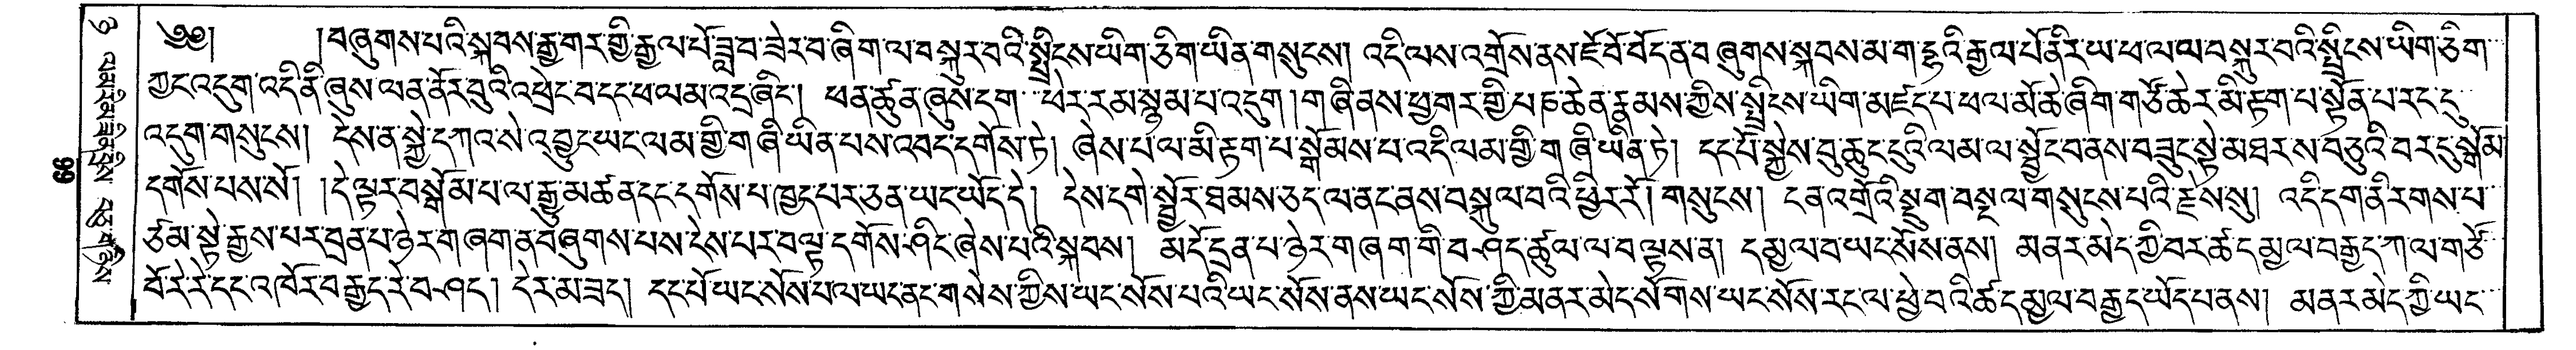༄༅། །བཞུགས་པའི་སྐབས་རྒྱ་གར་གྱི་རྒྱལ་པོ་ཟླ་བ་ཟེར་བ་ཞིག་ལ་བསྐུར་བའི་སྤྲིངས་ཡིག་ཅིག་ཡིན་གསུངས། འདི་ལས་འཕྲོས་ནས་ཇོ་བོ་བོད་ན་བཞུགས་སྐབས་མ་ག་དྷའི་རྒྱལ་པོ་ནིར་ཡ་ཕ་ལ་ལ་བསྐུར་བའི་སྤྲིངས་ཡིག་ཅིག་
ཀྱང་འདུག་འདི་ནི་ཞུས་ལན་ནོར་བུའི་འཕྲེང་བ་དང་ཕ་ལམ་འདྲ་ཞིང་། ཕན་ཚུན་ཞུས་དག་ཕེར་རམ་སྙམ་པ་འདུག །གཞི་ནས་རྒྱ་གར་གྱི་པཎ་ཆེན་རྣམས་ཀྱིས་སྤྲིངས་ཡིག་མཛད་པ་ཕལ་མོ་ཆེ་ཞིག་གཙོ་ཆེར་མི་རྟག་པ་སྟོན་པ་རང་དུ་
འདུག་གསུངས། དེས་ན་སྐྱེ་དཀའ་སེ་བ་བྱུང་ཡང་ལམ་གྱི་གཞི་ཡིན་པས་འབད་དགོས་ཏེ། ཞེས་པ་ལ་མི་རྟག་པ་སྒོམས་པ་འདི་ལམ་གྱི་གཞི་ཡིན་ཏེ། དང་པོ་སྐྱེས་བུ་ཆུང་དུའི་ལམ་ལ་སྦྱོང་བ་ནས་བཟུང་སྟེ་མཐར་ས་བཅུའི་བར་དུ་སྒོམ་
དགོས་པས་སོ། །དེ་ལྟར་བསྒོམ་པ་ལ་རྒྱུ་མཚན་དང་དགོས་པ་ཁྱད་པར་ཅན་ཡང་ཡོད་དེ། དེས་དགེ་སྦྱོར་ཐམས་ཅད་ལ་ནང་ནས་བསྐུལ་བའི་ཕྱིར་རོ། གསུངས། ངན་འགྲོའི་སྡུག་བསྔལ་གསུངས་པའི་རྗེས་སུ། འདི་དག་ནི་རགས་པ་
ཙམ་སྟེ་རྒྱས་པར་དྲན་པ་ཉེར་གཞག་ན་བཞུགས་པས་ངེས་པར་བལྟ་དགོས་ཤིང་ཞེས་པའི་སྐབས། མདོ་དྲན་བ་ཉེར་གཞག་གི་བཤད་ཚུལ་ལ་བལྟས་ན། དམྱལ་བ་ཡང་སོས་ནས། མནར་མེད་ཀྱི་བར་ཚད་མྱལ་བརྒྱད་ཀ་ལ་གཙོ་
བོ་རེ་རེ་དང་འཁོར་བརྒྱད་རེ་བཤད། དེར་མ་ཟད། དང་པོ་ཡང་སོས་པ་ལ་ཡང་ནང་གསེས་ཀྱིས་ཡང་སོས་པའི་ཡང་སོས་ནས་ཡང་སོས་ཀྱི་མནར་མེད་སོགས་ཡང་སོས་རང་ལ་ཕྱེ་བའི་ཚ་དམྱལ་བརྒྱད་ཡོད་པ་ནས། མནར་མེད་ཀྱི་ཡང་